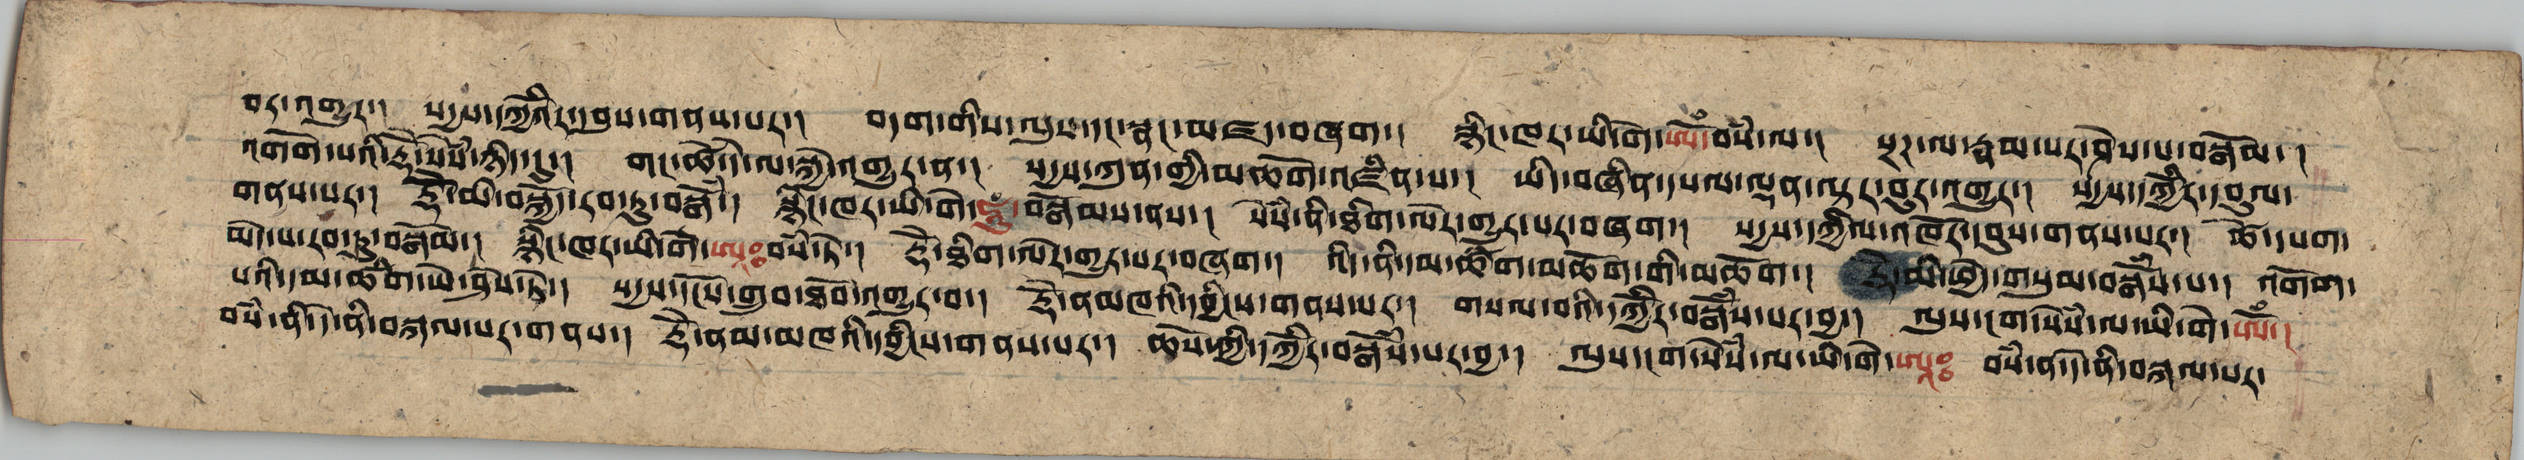བར་འགྱུར་། སདྱས་དཀྱིོའར་དབུས་གནས་པར་། བདག་གིས་ལུས་དང་སྣང་མཛད་བཞག་། སྙིང་ཁར་ཡི་གེ་ཨོཾ་བསཾ་པ་། སྔཌ་ལ་རྣམ་པར་ཤེས་པ་བསྒོམ་།
འགོག་པའི་རྡོེ་སེཾས་ཉིད་དུ་། གང་ཚེ་དེ་ལ་སྐྱེ་འགྱུར་ན་། སདྱས་ཀུན་གྱི་མཆོག་འཛིན་པ་། ཡིད་བཞིན་དཔལ་ལྡན་ལྟར་བུར་འགྱུར་། སདྱས་དཀྱིརོ་དབུལ་
གནས་པར་། རྡོེ་མི་བསྐྱོད་རབ་ཏུ་བསྒོ་། སྙིང་ཁར་ཡི་གེ་ཧཱུཾ་བསྒོམས་ནས་། སེཾས་ནི་ཐིག་ལེར་གྱུར་པར་བཞག་། སདྱས་དཀྱིལ་འཁོར་དབུས་གནས་པར་། ཚེ་དཔག་
མེད་པ་རབ་ཏུ་བསྒོམ་། སྙིང་ཁར་ཡི་གེ་ཨཱཿབསཾ་ཏེ་། རྡོེ་ཐིག་ལེར་གྱུར་པར་བཞག་། འདི་ནི་དམ་ཚིག་མཆོག་གི་མཆོག་། རྡོེ་མི་ཕྱེད་གསུམ་བསྒོཾས་པ་། འགོག་
པའི་དམ་ཚིག་ཡེ་ཤེས་ཏེ་། སདྱས་དངོས་གྲུབ་ཐོབ་འགྱུར་བ་། རྡོེ་ནམཁའི་དབྱིངས་གནས་པར་། གསལ་བའི་དཀྱིོར་བསྒོཾས་པར་བྱ་། ལུས་ངག་སེཾས་ལ་ཡི་གེ་ཨོཾ་།
བསཾ་ནི་དེ་ནི་བསྐལ་པར་གནས་། རྡོེ་ནམ་མཁའི་དབྱིངས་གནས་པར་། ཆོས་ཀྱི་དཀྱིོར་བསྒོཾས་པར་བྱ་། ལུས་དང་སེཾས་ལ་ཡི་གེ་ཨཱཿ བསཾ་ན་དེ་ནི་བསྐལ་པར་